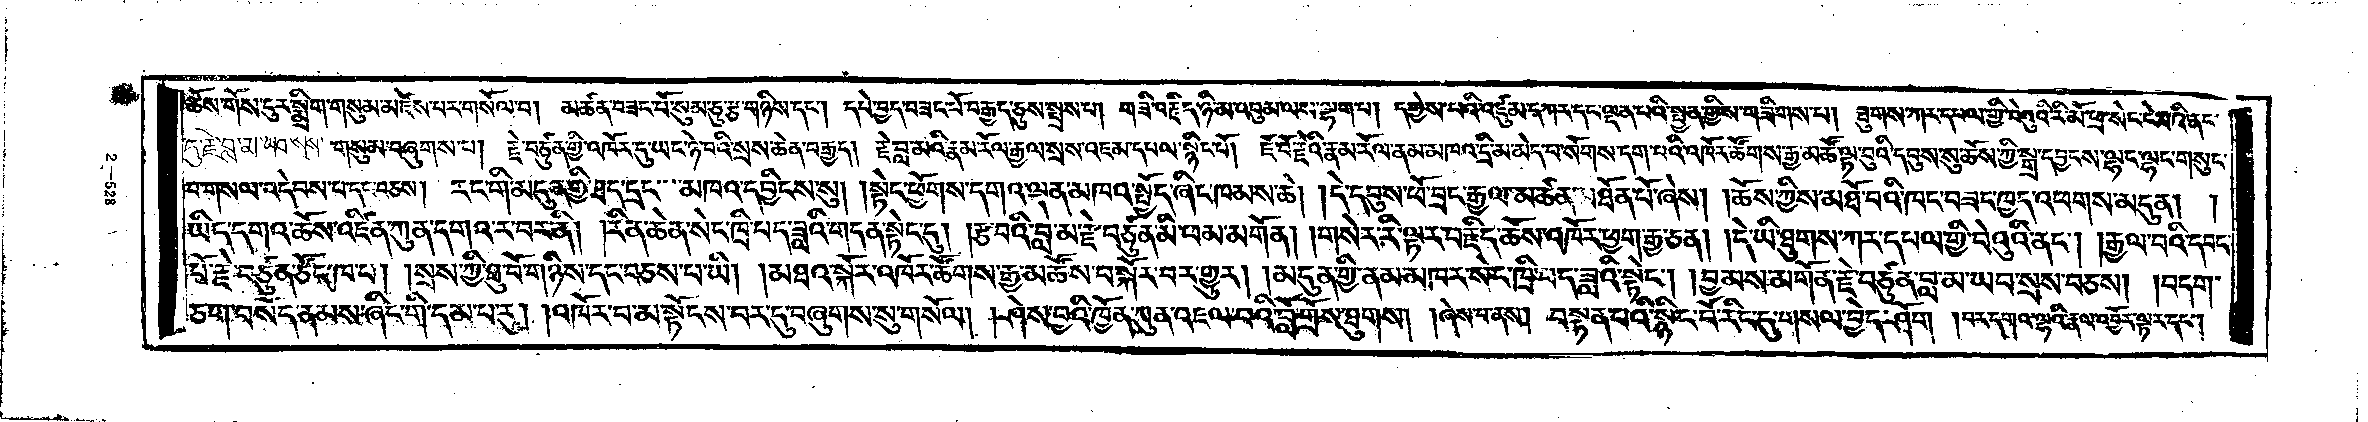ཆོས་གོས་ངུར་སྨྲིག་གསུམ་མཛེས་པར་གསོལ་བ། མཚན་བཟང་པོ་སུམ་ཅུ་རྩ་གཉིས་དང་། དཔེ་བྱད་བཟང་པོ་བརྒྱད་ཅུས་སྤྲས་པ། གཟི་བརྗིད་ཉི་མ་འབུམ་ལས་ལྷག་པ། དགྱེས་པའི་འཛུམ་དཀར་དང་ལྡན་པའི་སྤྱན་གྱིས་གཟིགས་པ། ཐུགས་ཀར་དཔལ་གྱི་བེའུའི་རི་མོ་ཕྲ་སེང་ངེ་ཐའི་ནང་
དུ་རྗེ་བླ་མ་ཡབ་སྲས་གསུམ་བཞུགས་པ། རྗེ་བཙུན་གྱི་འཁོར་དུ་ཡང་ཉེ་བའི་སྲས་ཆེན་བརྒྱད། རྗེ་བླ་མའི་རྣམ་རོལ་རྒྱལ་སྲས་འཇམ་དཔལ་སྙིང་པོ། ཇོ་བོ་རྗེའི་རྣམ་རོལ་ནམ་མཁའ་དྲི་མ་མེད་པ་སོགས་དག་པའི་འཁོར་ཚོགས་རྒྱ་མཚོ་ལྟ་བུའི་དབུས་སུ་ཆོས་ཀྱི་སྒྲ་དབྱངས་ལྷང་ལྷང་གསུང་
བ་གསལ་འདེབས་པ་དང་བཅས། རང་གི་མདུན་གྱི་ཐད་དྲང་མཁའ་དབྱིངས་སུ། །སྟེང་ཕྱོགས་དགའ་ལྡན་མཁའ་སྤྱོད་ཞིང་ཁམས་ཆེ། །དེ་དབུས་ཕོ་བྲང་རྒྱལ་མཚན་མཐོན་པོ་ཞེས། །ཆོས་ཀྱིས་མཐོ་བའི་ཁང་བཟང་ཁྱད་འཕགས་མདུན། །
ཡིད་དགའ་ཆོས་འཛིན་ཀུན་དགའ་ར་བར་ནི། །རིན་ཆེན་སེང་ཁྲི་པད་ཟླའི་གདན་སྟེང་དུ། །རྩ་བའི་བླ་མ་རྗེ་བཙུན་མི་ཕམ་མགོན། །གསེར་རི་ལྟར་བརྗིད་ཆོས་འཁོར་ཕྱག་རྒྱ་ཅན། །དེ་ཡི་ཐུགས་ཀར་དཔལ་གྱི་བེའུའི་ནང་། །རྒྱལ་བའི་དབང་
པོ་རྗེ་བཙུན་ཙོང་ཁ་པ། །སྲས་ཀྱི་ཐུ་བོ་གཉིས་དང་བཅས་པ་ཡི། །མཐའ་སྐོར་འཁོར་ཚོགས་རྒྱ་མཚོས་བསྐོར་བར་གྱུར། །མདུན་གྱི་ནམ་མཁར་སེང་ཁྲི་པད་ཟླའི་སྟེང་། །བྱམས་མགོན་རྗེ་བཙུན་བླ་མ་ཡབ་སྲས་བཅས། །བདག་
ཅག་བསོད་ནམས་ཞིང་གི་དམ་པ་རུ། །འཁོར་བ་མ་སྟོངས་བར་དུ་བཞུགས་སུ་གསོལ། །ཤེས་བྱའི་ཁྱོན་ཀུན་འཇལ་བའི་བློ་གྲོས་ཐུགས། །ཞེས་པ་ནས།  བསྟན་པའི་སྙིང་པོ་རིང་དུ་གསལ་བྱེད་ཤོག་།བར་དགའ་ལྷའི་རྣལ་འབྱོར་ལྟར་དང་།